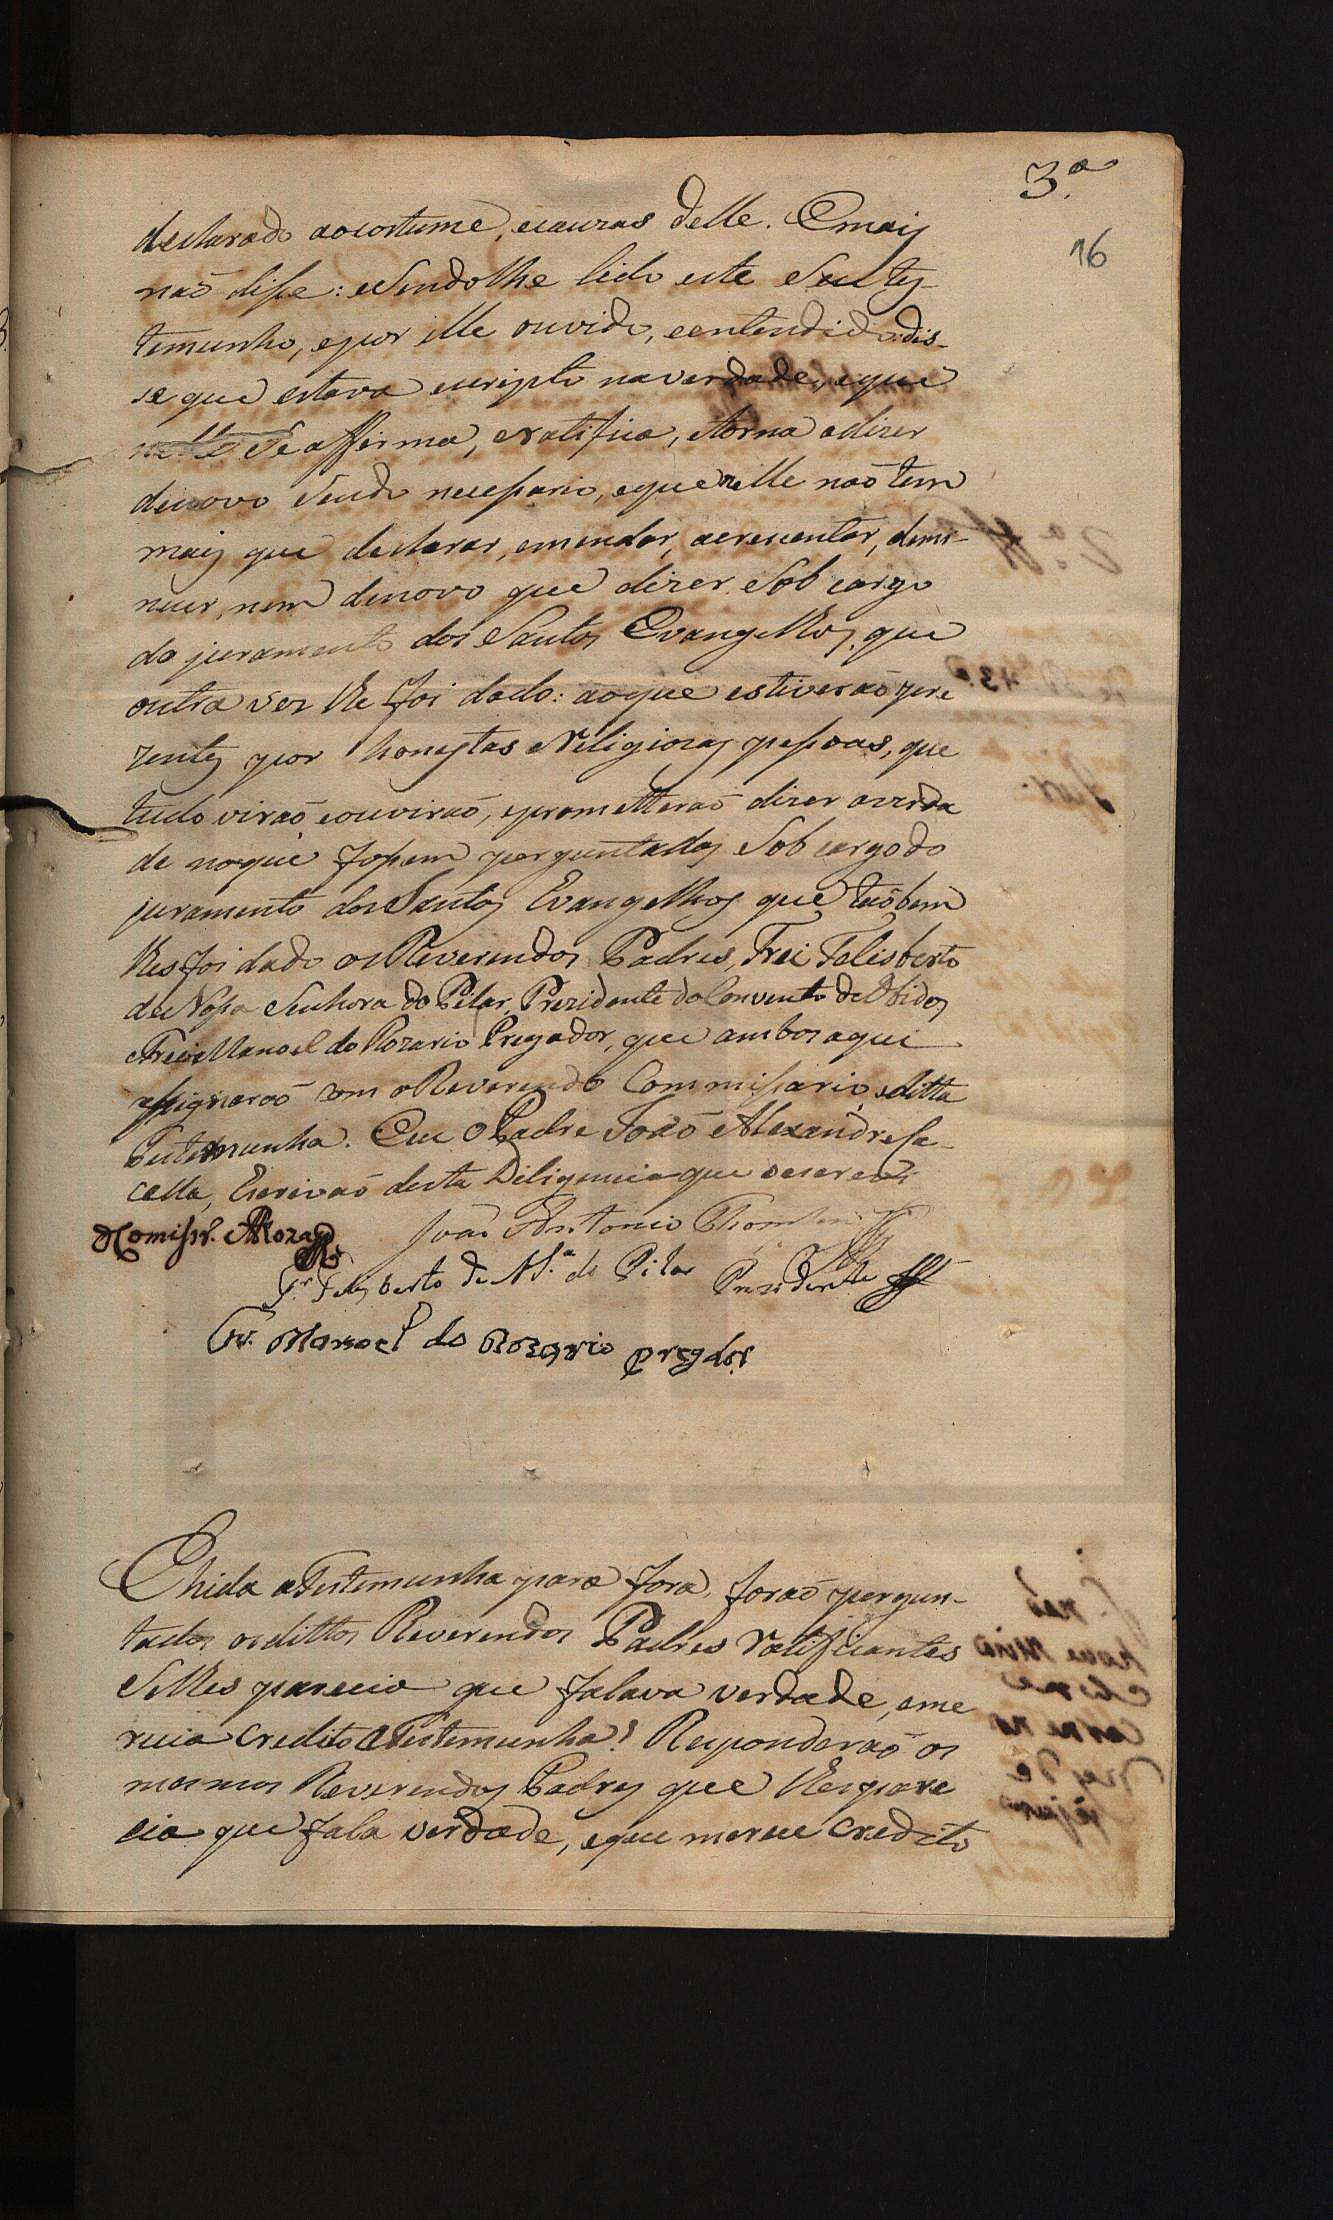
declarado ao costume, e cauzas delle. E mais
naõ disse: e sendolhe lido este Seu tes
temunho, e por elle ouvido, e entendido dis
se que estava escripto na verdade, e que
nelle Se affirma, e ratifica, e torna a dizer
de novo sendo necessario, e que nelle naõ tem
mais que declarar, emendar, acrescentar, demi
nuir, nem de novo que dizer Sob cargo
do juramento dos Santos Evangelhos, que
outra vez lhe foi dado: ao que estiveraõ pre
zentes por honestas e religiozas pessoas, que
tudo viraõ, e ouviraõ, e prometteraõ dizer a verda
de no que fossem perguntados Sob cargo do
juramento dos Santos Evangelhos que taõbem
lhes foi dado os Reverendos Padres, Frei Felisberto
de Nossa Seuhora do Pilar, Prezidente do Convento de Obidos
Frei Manoel do Rozario Pregador, que ambos aqui
assignaraõ com o Reverendo Commissario e ditta
Testemunha. E eu o Padre Ioaõ Alexandre Ca
cella, Escrivaõ desta Diligencia que o escrevi
o Comissr.o Roza Joaõ Antonio Thompson
P. Felisbesto da NS.a do Pilar Presidente
Fr. Manoel do Rozario pregador
E hida a Testemunha para fora foraõ pergun
tados os dittos Reverendos Padres ratificantes
se lhes parecia que falava verdade, e me
recia credito a Testemunha? Responderaõ os
mesmos Reverendos Padres que lhes pare
cia que fala verdade, e que merece credito
